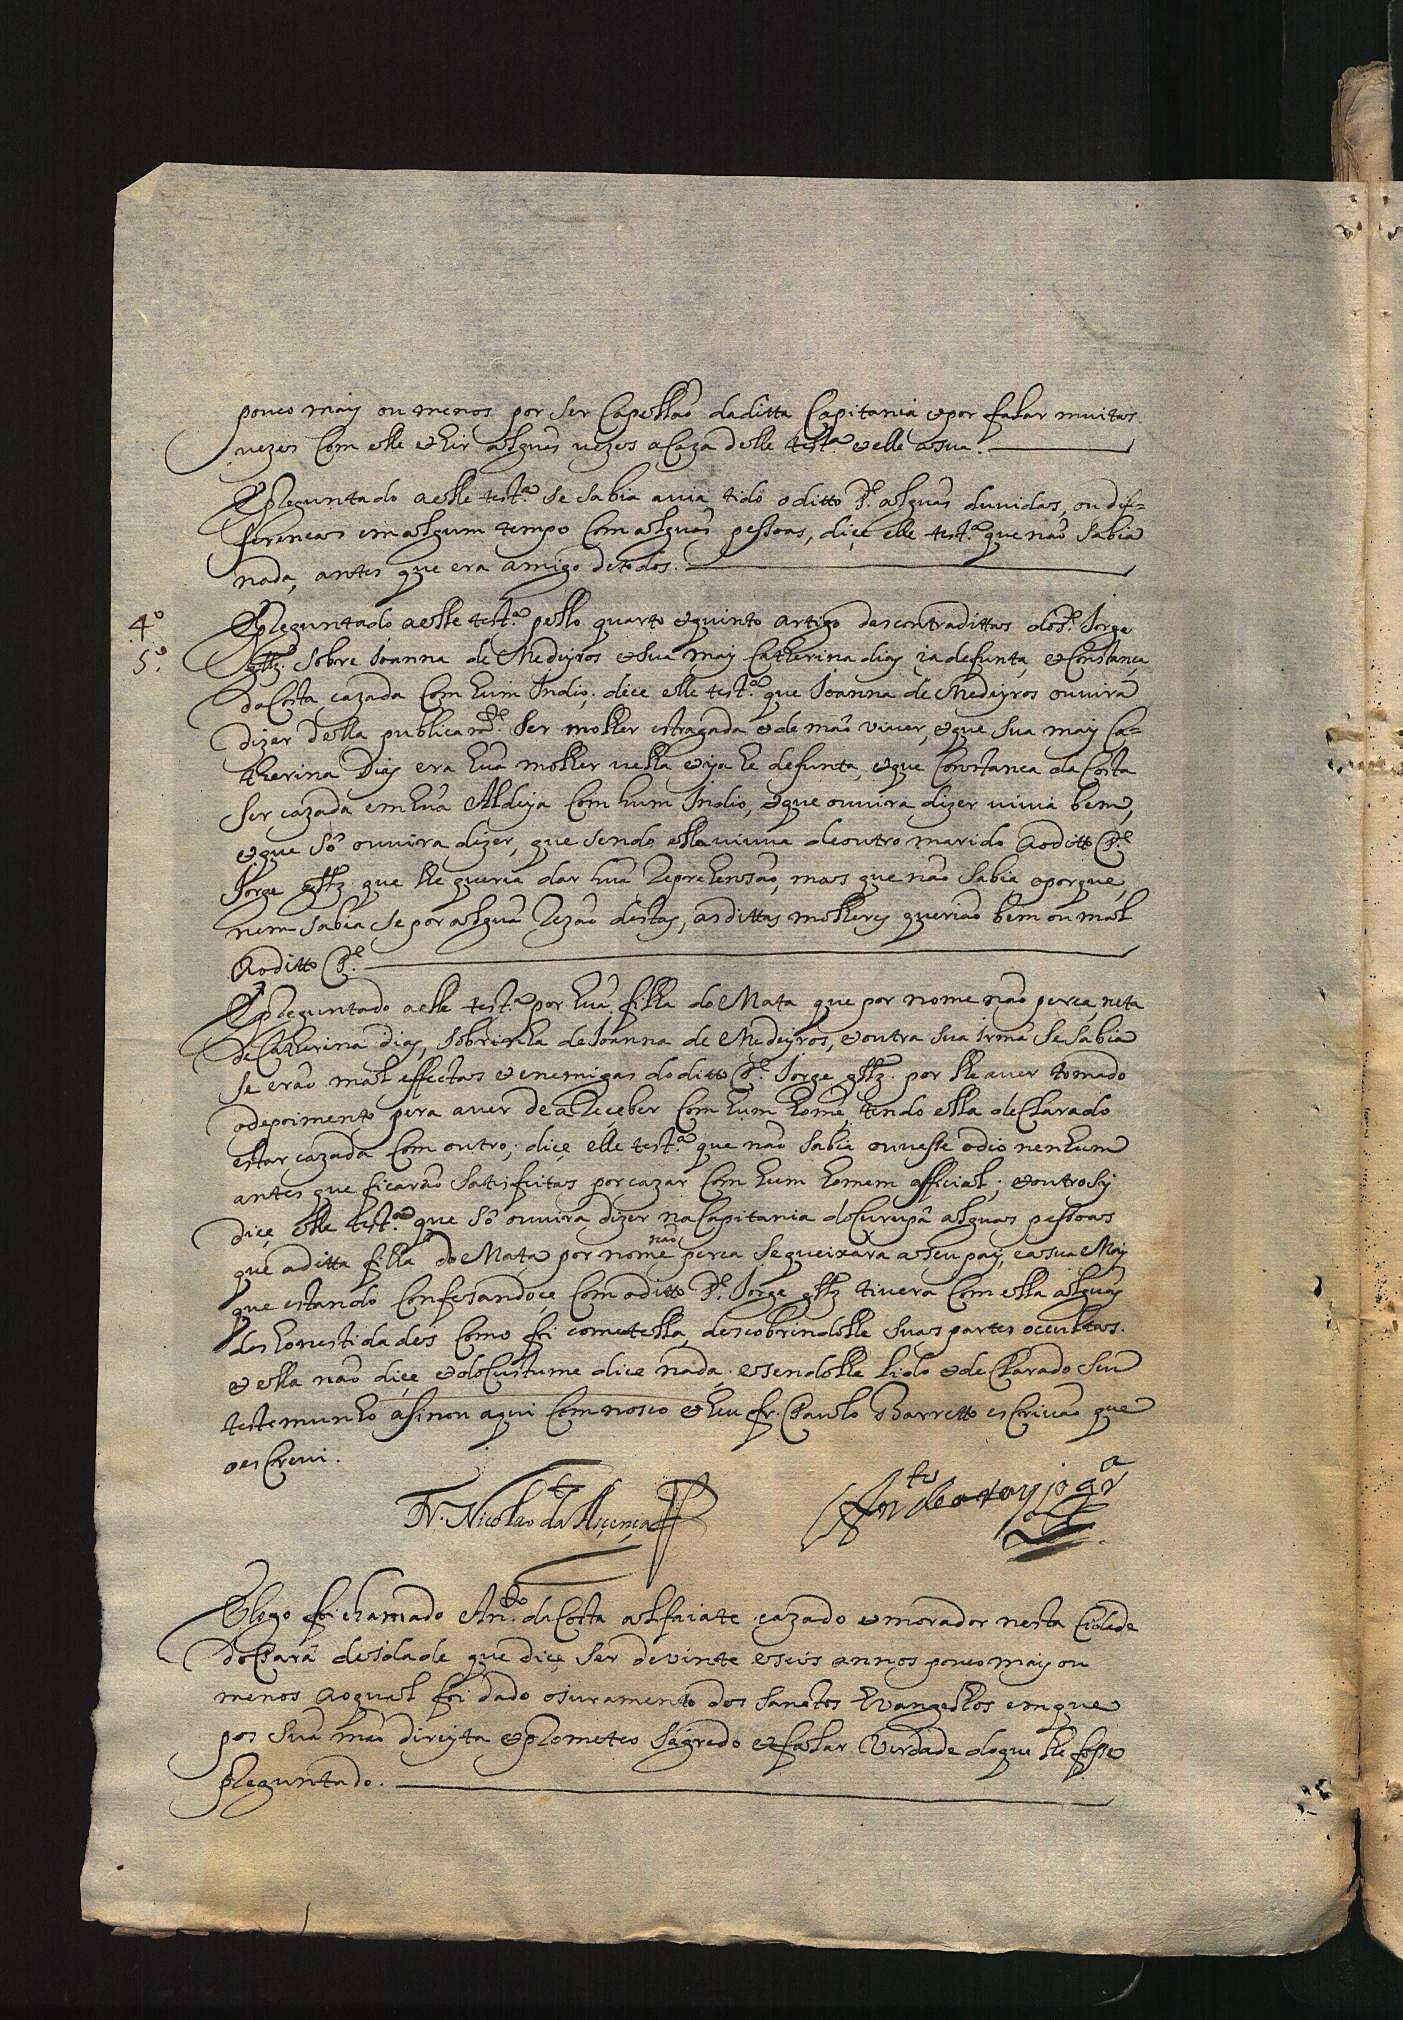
pouco mais ou menos por Ser Capellaõ da ditta Capitania e por falar muitas
uezes Com elle e hir alguās uezes a Caza delle testa e elle a sua.
E preguntado a elle test.a se sabia auia tido o ditto P.e alguās duuidas, ou dif
ferenças em algum tempo Com alguas̄ pessoas, dice elle test.a que não sabia
nada, antes que era amigo de todos.
E preguntado a elle test.a pello quarto e quinto artigo das contradittas do d.o Iorge
gllz̄. Sobre Ioanna de Medeyros e sua may Catherina dias ia defunta, e Constança
da Costa cazada Com hum Indio, dice elle test.a que Ioanna de Medeyros ouuira
dizer della publicam.te ser molher estragada, e de mao viuer, e que sua may Ca
therina Dias era huā molher uelha, e ya he defunta, e que Constança da Costa
ser cazada em huā Aldeya Com hum Indio, e que ouuira dizer uiuia bem,
e que só ouuira dizer, que sendo ella uiuua de outro marido ao ditto P.e
Jorge gll̄z que lhe queria dar huā Reprehensaõ, mas que não Sabia o porque,
nem sabia se por alguā Rezaõ destas, as dittas molheres queriaõ bem, ou mal
ao ditto P.e
E preguntado a elle testa por huā filha do Mata que por nome naõ perca, neta
de Catherina dias, Sobrinha de Ioanna de Medeyros, e outra sua irmā Se Sabia
Se erão mal affectas e enemigas do ditto P.e Iorge gllz̄ por lhe auer tomado
o depoimento pera auer de a Receber Com hum homē tendo ella deClarado
estar cazada Com outro; dice elle test.a que não sabia ouuesse odio nenhum
antes que ficaraõ satisfeitas por cazar Com hum homem official; e outrosy
dice elle test.a que sô ouuira dizer na Capitania do Curupâ alguas pessoas
que a ditta filha do Mata por nome não perca, Se queixara a seu pay, e a sua May
que estando Confesandoce Com o ditto P.e Iorge gllz̄ tiuera Com ella alguās
deshonestidades Como foi cometella, descobrindolhe Suas partes occultas.
e ella naõ dice, e do Custume dice nada; e sendolhe lido e deClarado Seu
testemunho asinou aqui Comnosco e heu fr. Paulo Barretto esCriuaõ que
o esCreui.
Anto de araujo pra
Fr. Nicolao da Ascençā
E logo foi chamado An.to da Costa alfaiate, cazado e morador nesta Cidade
do Parâ de Idade que dice ser de vinte e seis annos pouco mais ou
menos ao qual foi dado o iuramento dos Sanctos Evangelhos em que
pos Sua maõ direyta e prometeo segredo e falar verdade do que lhe fosse
preguntado.
